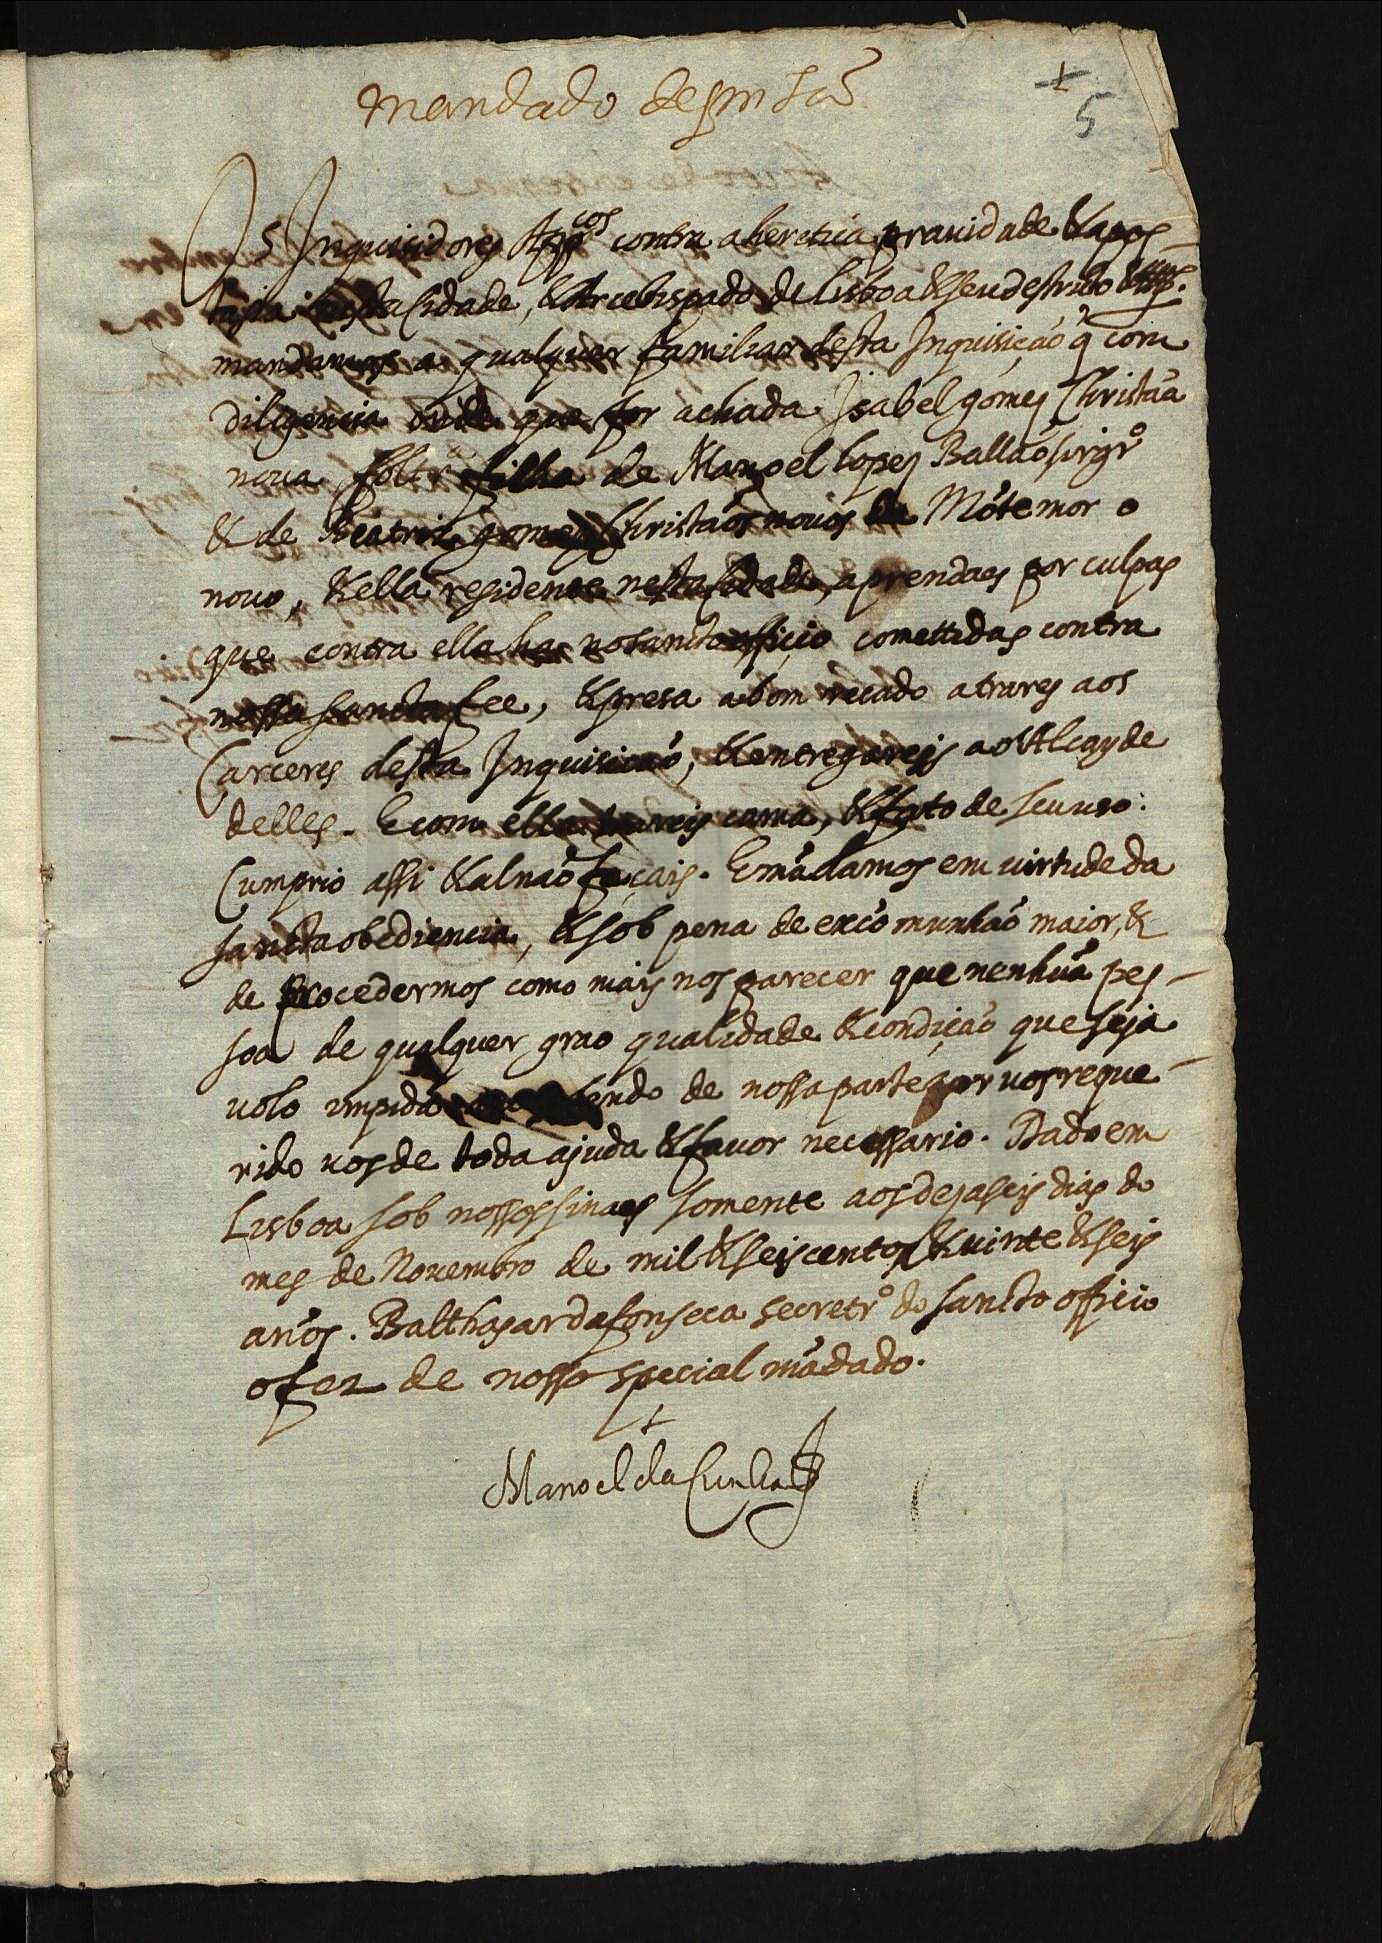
mandado de prisaõ
Os Jnquisidores Appcos contra a heretica prauidade & apos
tasia nesta Cidade, & Arcebispado de Lisboa & seu destricto &tttꝭ.
mandamos a qualquer familiar desta Jnquisiçaõ q̄ com
diligencia onde que for achada Jsabel gomez Christaā
noua soltra filha de Manoel Lopez Ballaõ sirgro
& de Beatriz gomez Christaõs nouos de Mōtemor o
nouo, & ella residente nesta Cidade, a prendaes por culpas
que contra ella ha no sancto officio comettidas contra
nossa sancta fee, & presa a bom recado a trares aos
Carceres desta Jnquisiçaõ, & entregareis ao Alcayde
delles. E com ella trareis cama, & fato de seu uso:
Cumprio assi & al naõ façais. E mādamos em uirtude da
sancta obediencia, & sob pena de excōmunhaõ maior, &
de procedermos como mais nos parecer que nenhuā pes
soa de qualquer grao qualidade & condiçaõ que seja
uo lo impida _ sendo de nossa parte por uos reque
rido uos de toda ajuda & fauor necessario. Dado em
Lisboa sob nossos sinaes somente aos dezaseis dias do
mes de Nouembro de mil & seiscentos & uinte & seis
anōs. Balthasar da fonseca secretro do sancto officio
o fez de nosso special mādado.
Manoel da Cunha
